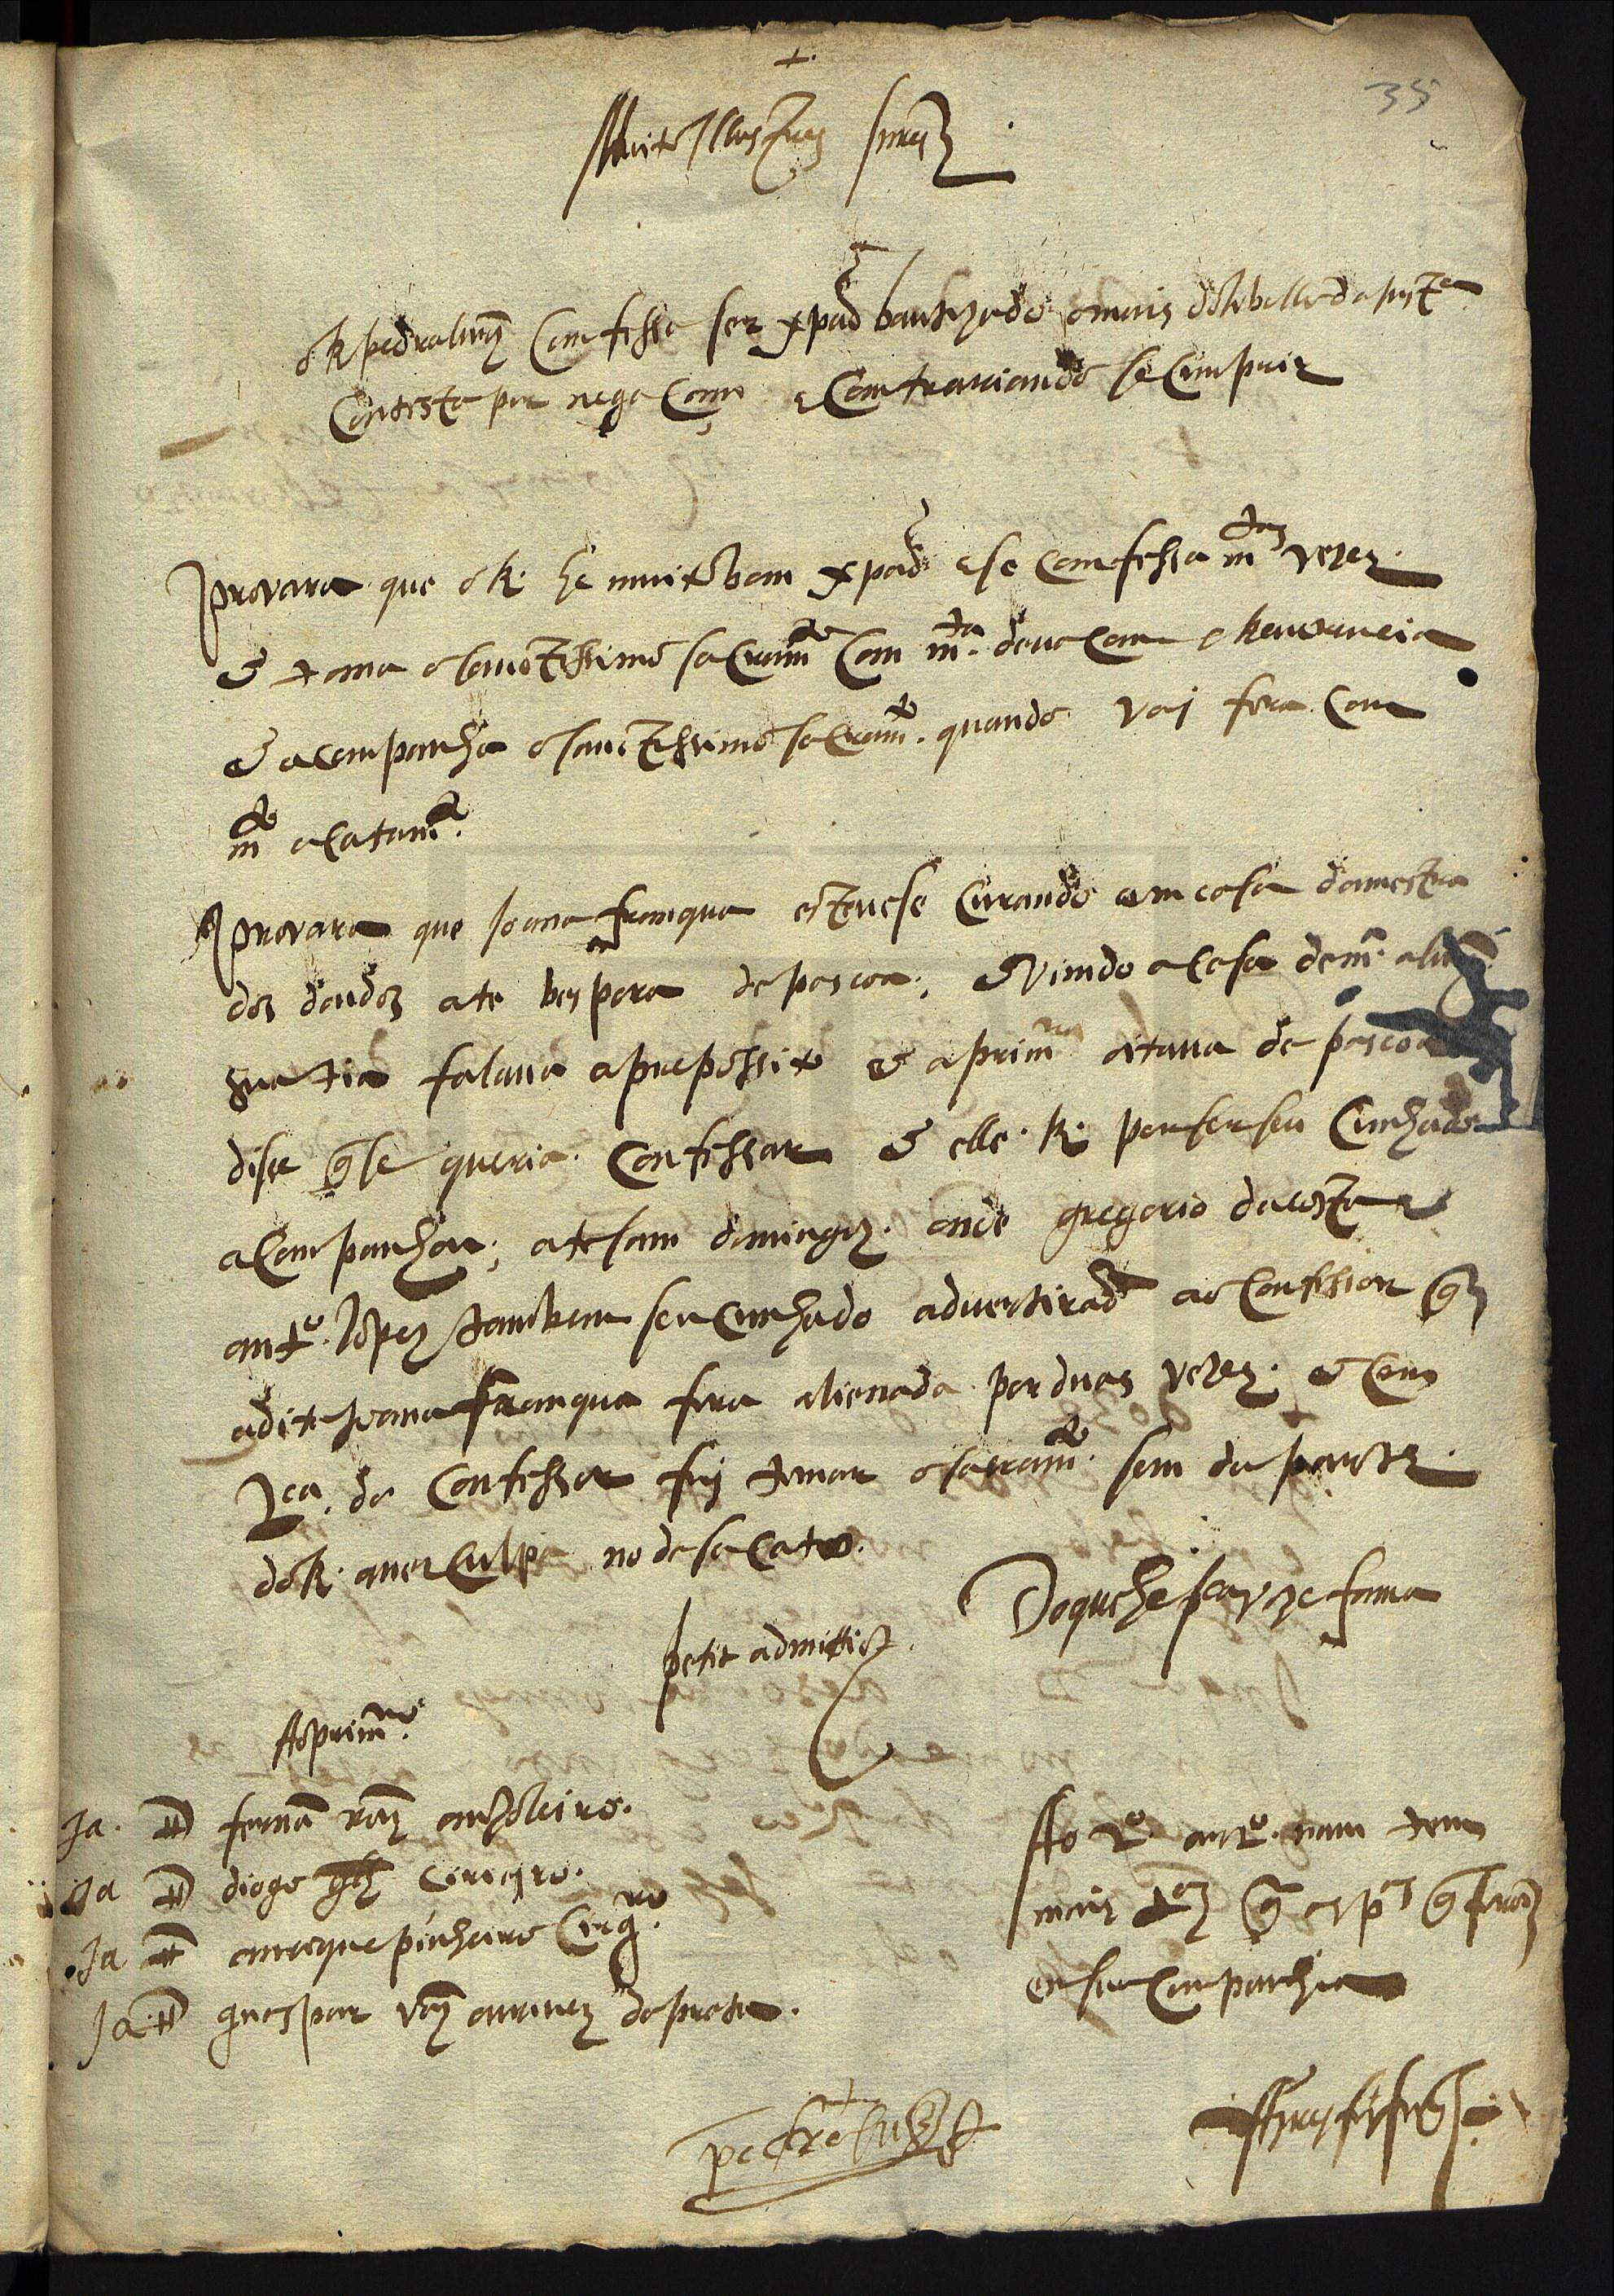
Muito Illustres Snrēs
o R pedralur̄z Comfessa ser xpaõ bautizado o mais do libello da justa.
Contesta por negaÇam e Comtrariando se Comprir
Provara que o R. he muito bom xpaõ e se Comfessa mtas vezes
& toma o sanctissimo saCramto Com mta. deuaCam e Reuerencia
& acompanha o sanctissimo saCramto. quando vai fora Com
mto aCatamto.
Provara que Joana framqua esteue se Curando em casa da mestra
dos doudos ate vespora de pascoa, & vimdo a Casa de ma. alu_
sua tia falaua a prepossito & a primra oitaua de pascoa
disse q̄ se queria Confessar & elle .R. por ser seu Cunhado
aCompanhou; ate sam domingos. onde gregorio da costa &
anto lopes tambem seu Cunhado aduertiraõ ao Confessor q̄
a dita joana franqua fora alienada por duas vezes. & Com
Lca. do Confessor foj tomar o sacramto. sem da parte
do R. auer Culpa no desaCato.
Do que he pca voz e fama
petit admittiō
Ao primro.
Ja. item fernā roīz anzoleiro.
Ja item diogo gl̄z çereejro.
Ja item anrique pinheiro Cirgro.
Ja item guaspar vaz ouriuez da prata.
Ao 2o. arto. nam tem
mais tas q̄ as pas q̄ foraõ
en sua Companhia
